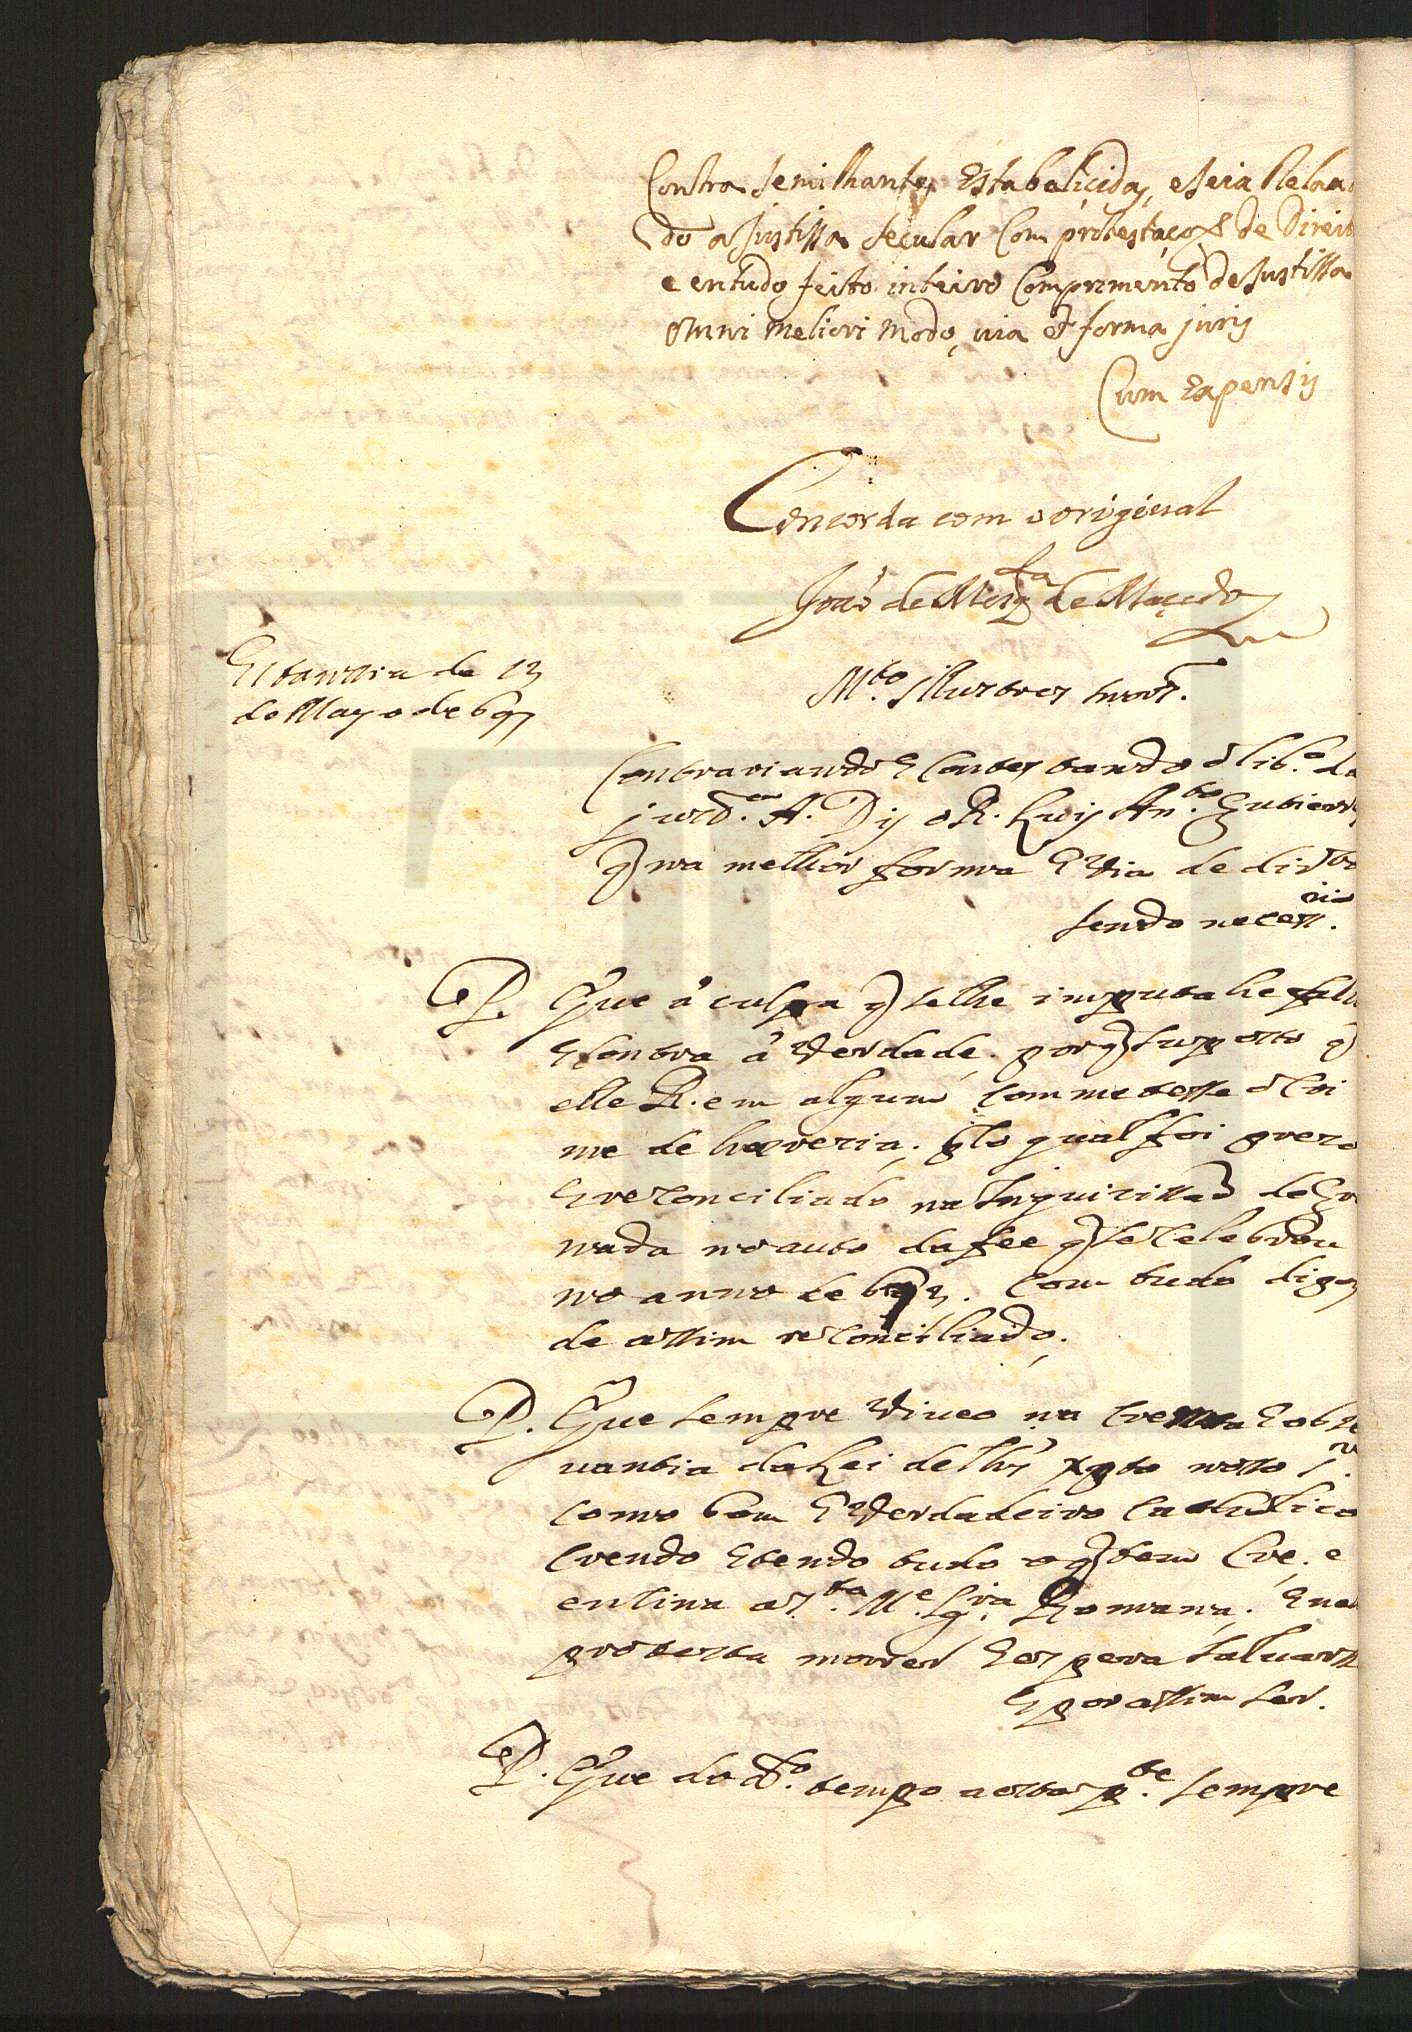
Contra semilhantes Estabaliçidas, e seia Relaxa
do a Justissa Secular Com protestaçaõ de Direit_
e en tudo feito inteiro Comprimento de Iustissa
omni meliori modo, uia et forma juris
Cum Expensis
Concorda com o original
Mto. Illustres snores̄.
Contrariando E Contestando o lib.o da
just.a A. Dis o R. Luis Anto. Gutierr__
q̄ na melhor forma E Via de dir.to
sendo necess.rio
P. Que á culpa q̄ se lhe imputa he fals_
E Contra á Verdade, porq̄ suposto q̄
elle R. em alguns commetesse o Cri
me de h_rezia; p̄lo qual foi prezo
E reconciliado na Inquizissaõ de Gr_
nada no auto da fee q̄ se celebrou
no anno de 6_3. Com tudo digo_
da assim reconciliado;
P. Que sempre Viueo na Crenca E obse_
uansia da Lei de Ihs̄ xpto nosso sor.
Como bom E Verdadeiro Catholico
Crendo E tendo tudo o q̄ tem Cre, e
enCina a sta. Me. Igra. Romana; E na_
protesta morrer E espera saluarss_
E por assim ser.
P. Que do d̄o. tempo a esta pte. sempre
Estanssia de 13
de Mayo de 697
